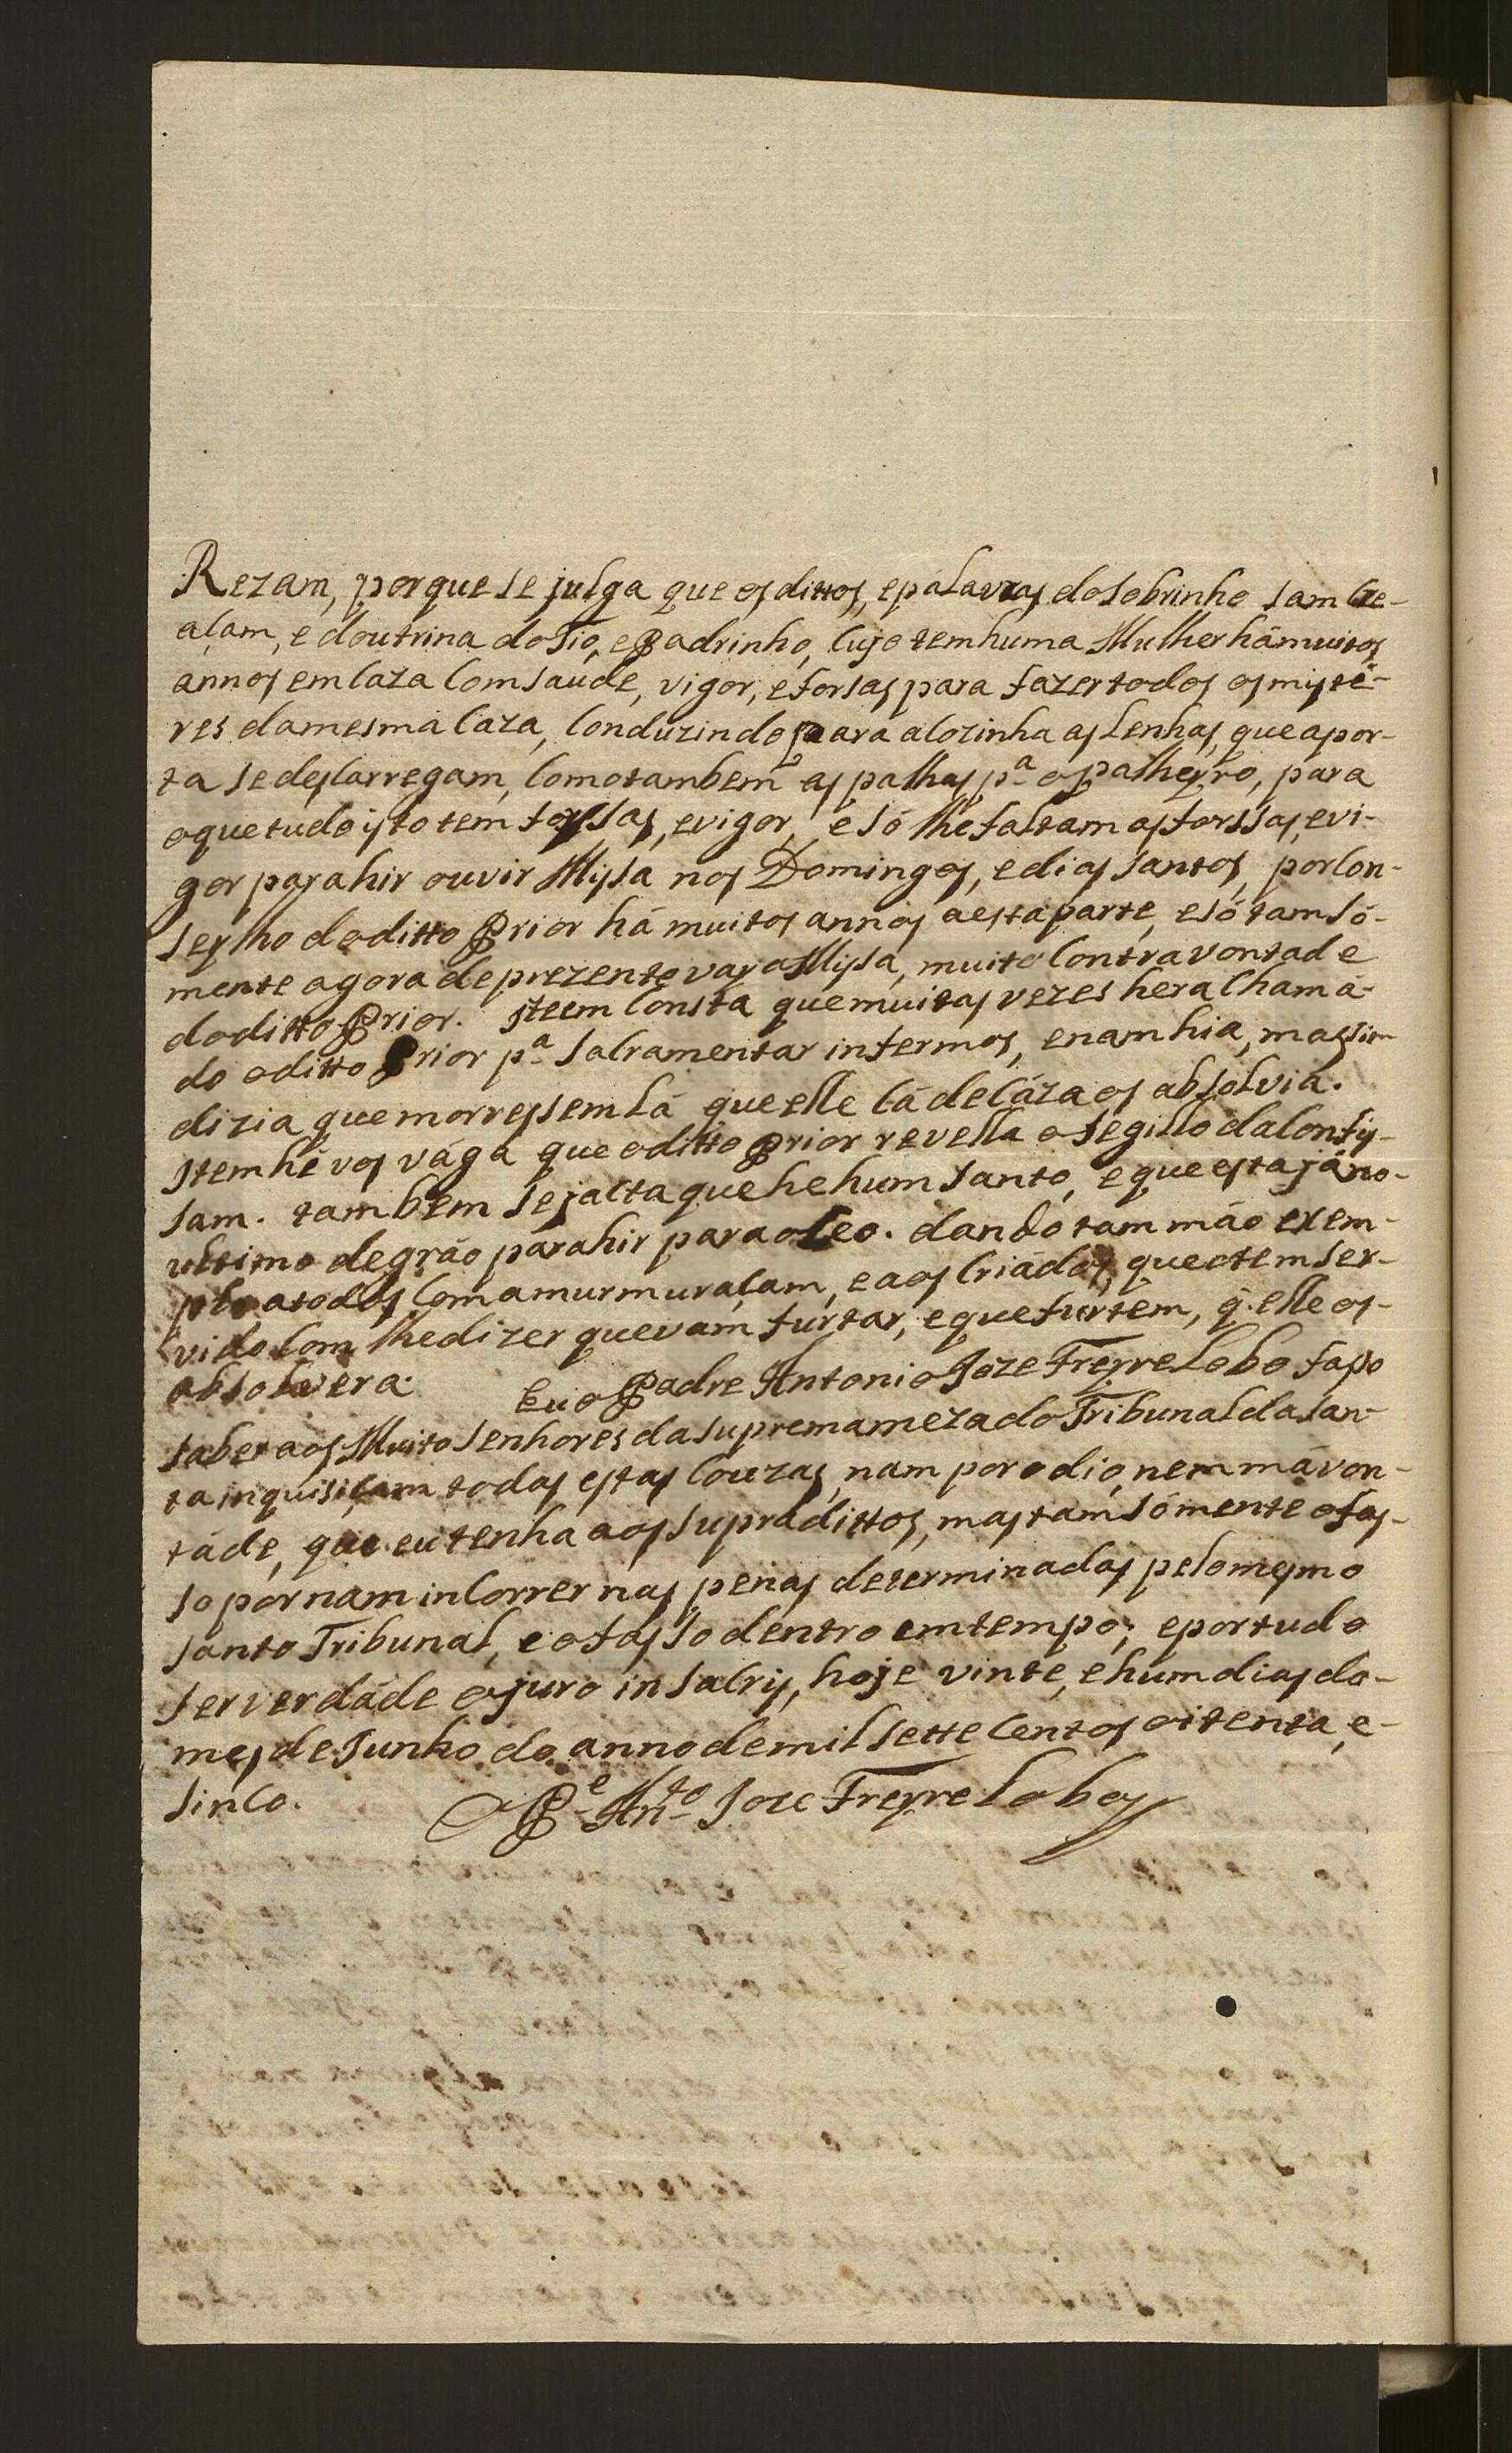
Rezam, porque se juLga que os dittos, e paLavras do sobrinho sam cre
aÇam, e doutrina do Tio, e Padrinho, Cujo tem huma Mulher há muitos
annos em Caza Com saude, vigor e forsas para fazer todos os misté
res da mesma Caza, Conduzindo para a Cozinha as Lenhas, que a por
ta se desCarregam, Como tambem as palhas p.a o palheyro, para
o que tudo isto tem forssas, e vigor, e só lhe faltam as forssas, e vi
gor para hir ouvir Missa nos Domingos, e dias santos, por Con
seylho do ditto Prior há muitos annos a esta parte, e só tam só
mente agora de prezente vay a Missa, muito Contra vontade
do ditto Prior. Iteem Consta que muitas vezes hera Chama
do o ditto Prior p.a SaCramentar infermos, e nam hia, mas sim
dizia que morressem Lá que elle Cá de Cáza os absoLvia.
Jtem hé vos vága que o ditto prior revella o segillo da Confis
sam. tambem se jacta que he hum santo, e que esta já no
ultimo degráo para hir para o Ceo. dando tam máo exem
plo a todos Com a murmuraÇam, e aos Criados, que o tem ser
vido Com lhe dizer que vam furtar, e que furtem, q̄ elle os
absoLvera.
Eu o Padre Antonio Joze Freyre Lobo fasso
saber aos Muitos senhores da suprema meza do TribunaL da san
ta inquisiçam todas estas Couzas, nem por odio, nem má von
táde, que eu tenha aos supradittos, mas tam sómente o fas
so por nam inCorrer nas penas determinadas pelo mesmo
Santo Tribunal, e o fasso dentro em tempo, e por tudo
ser verdade o juro in SaCris, hoje vinte, e hum dias do
mes de Junho do anno de miL setteCentos oitenta, e
sinco.
